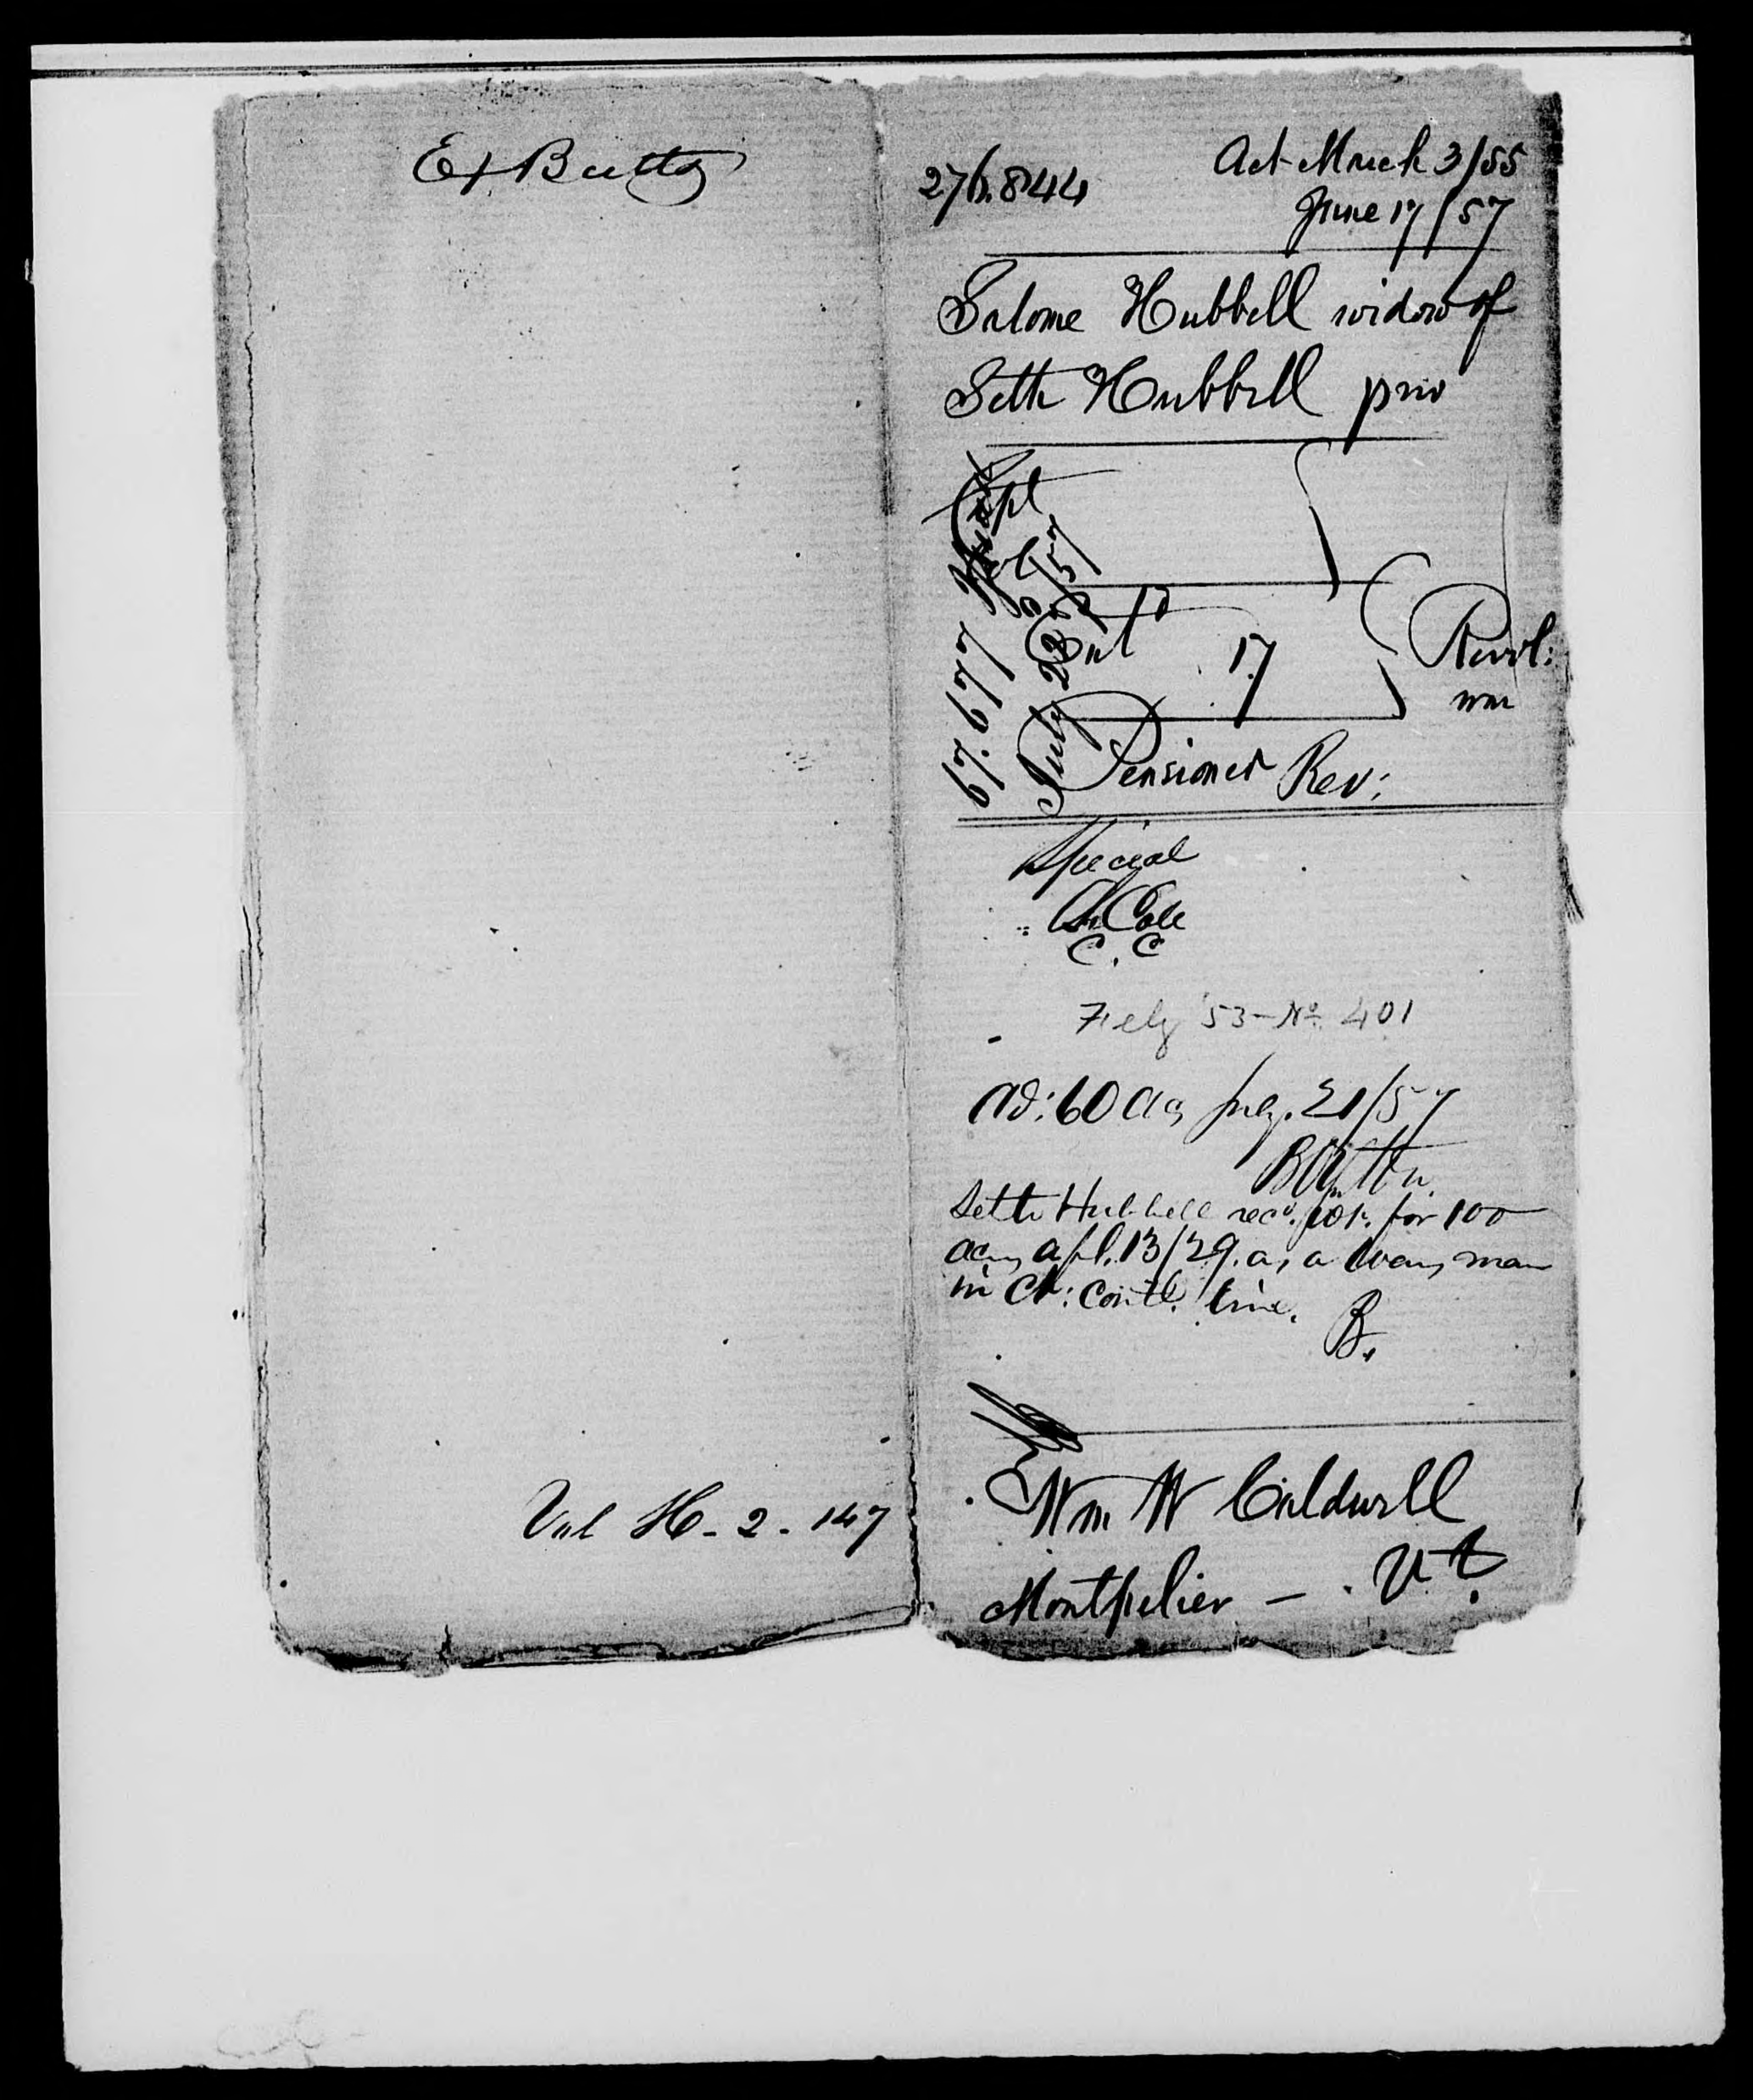ExButty
Vol. H - 2. 147
276.844 Oct-March 3/55
June 17/57
Salome Hubbell widow of
Seth Hubbell priv
67.777
July 28/57
Ent' 17 Prvt.
Revol. war
Pensioner Rev:
Special
S Cole
C. C
Feby '53-No 401
NJ:60Cls July 21/57
Bolton
Seth Hubbell rec' for for 100
acuy afl.13/29. a, a way man
in Ch: Cont'l line.
B.
Wm W Caldwell
Montpelier - VT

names: Seth Hubbell, Wm W Crildwell, Salome Hubbell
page: 3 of 114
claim: widow's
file: W. 2115, Seth Hubbell, Conn.